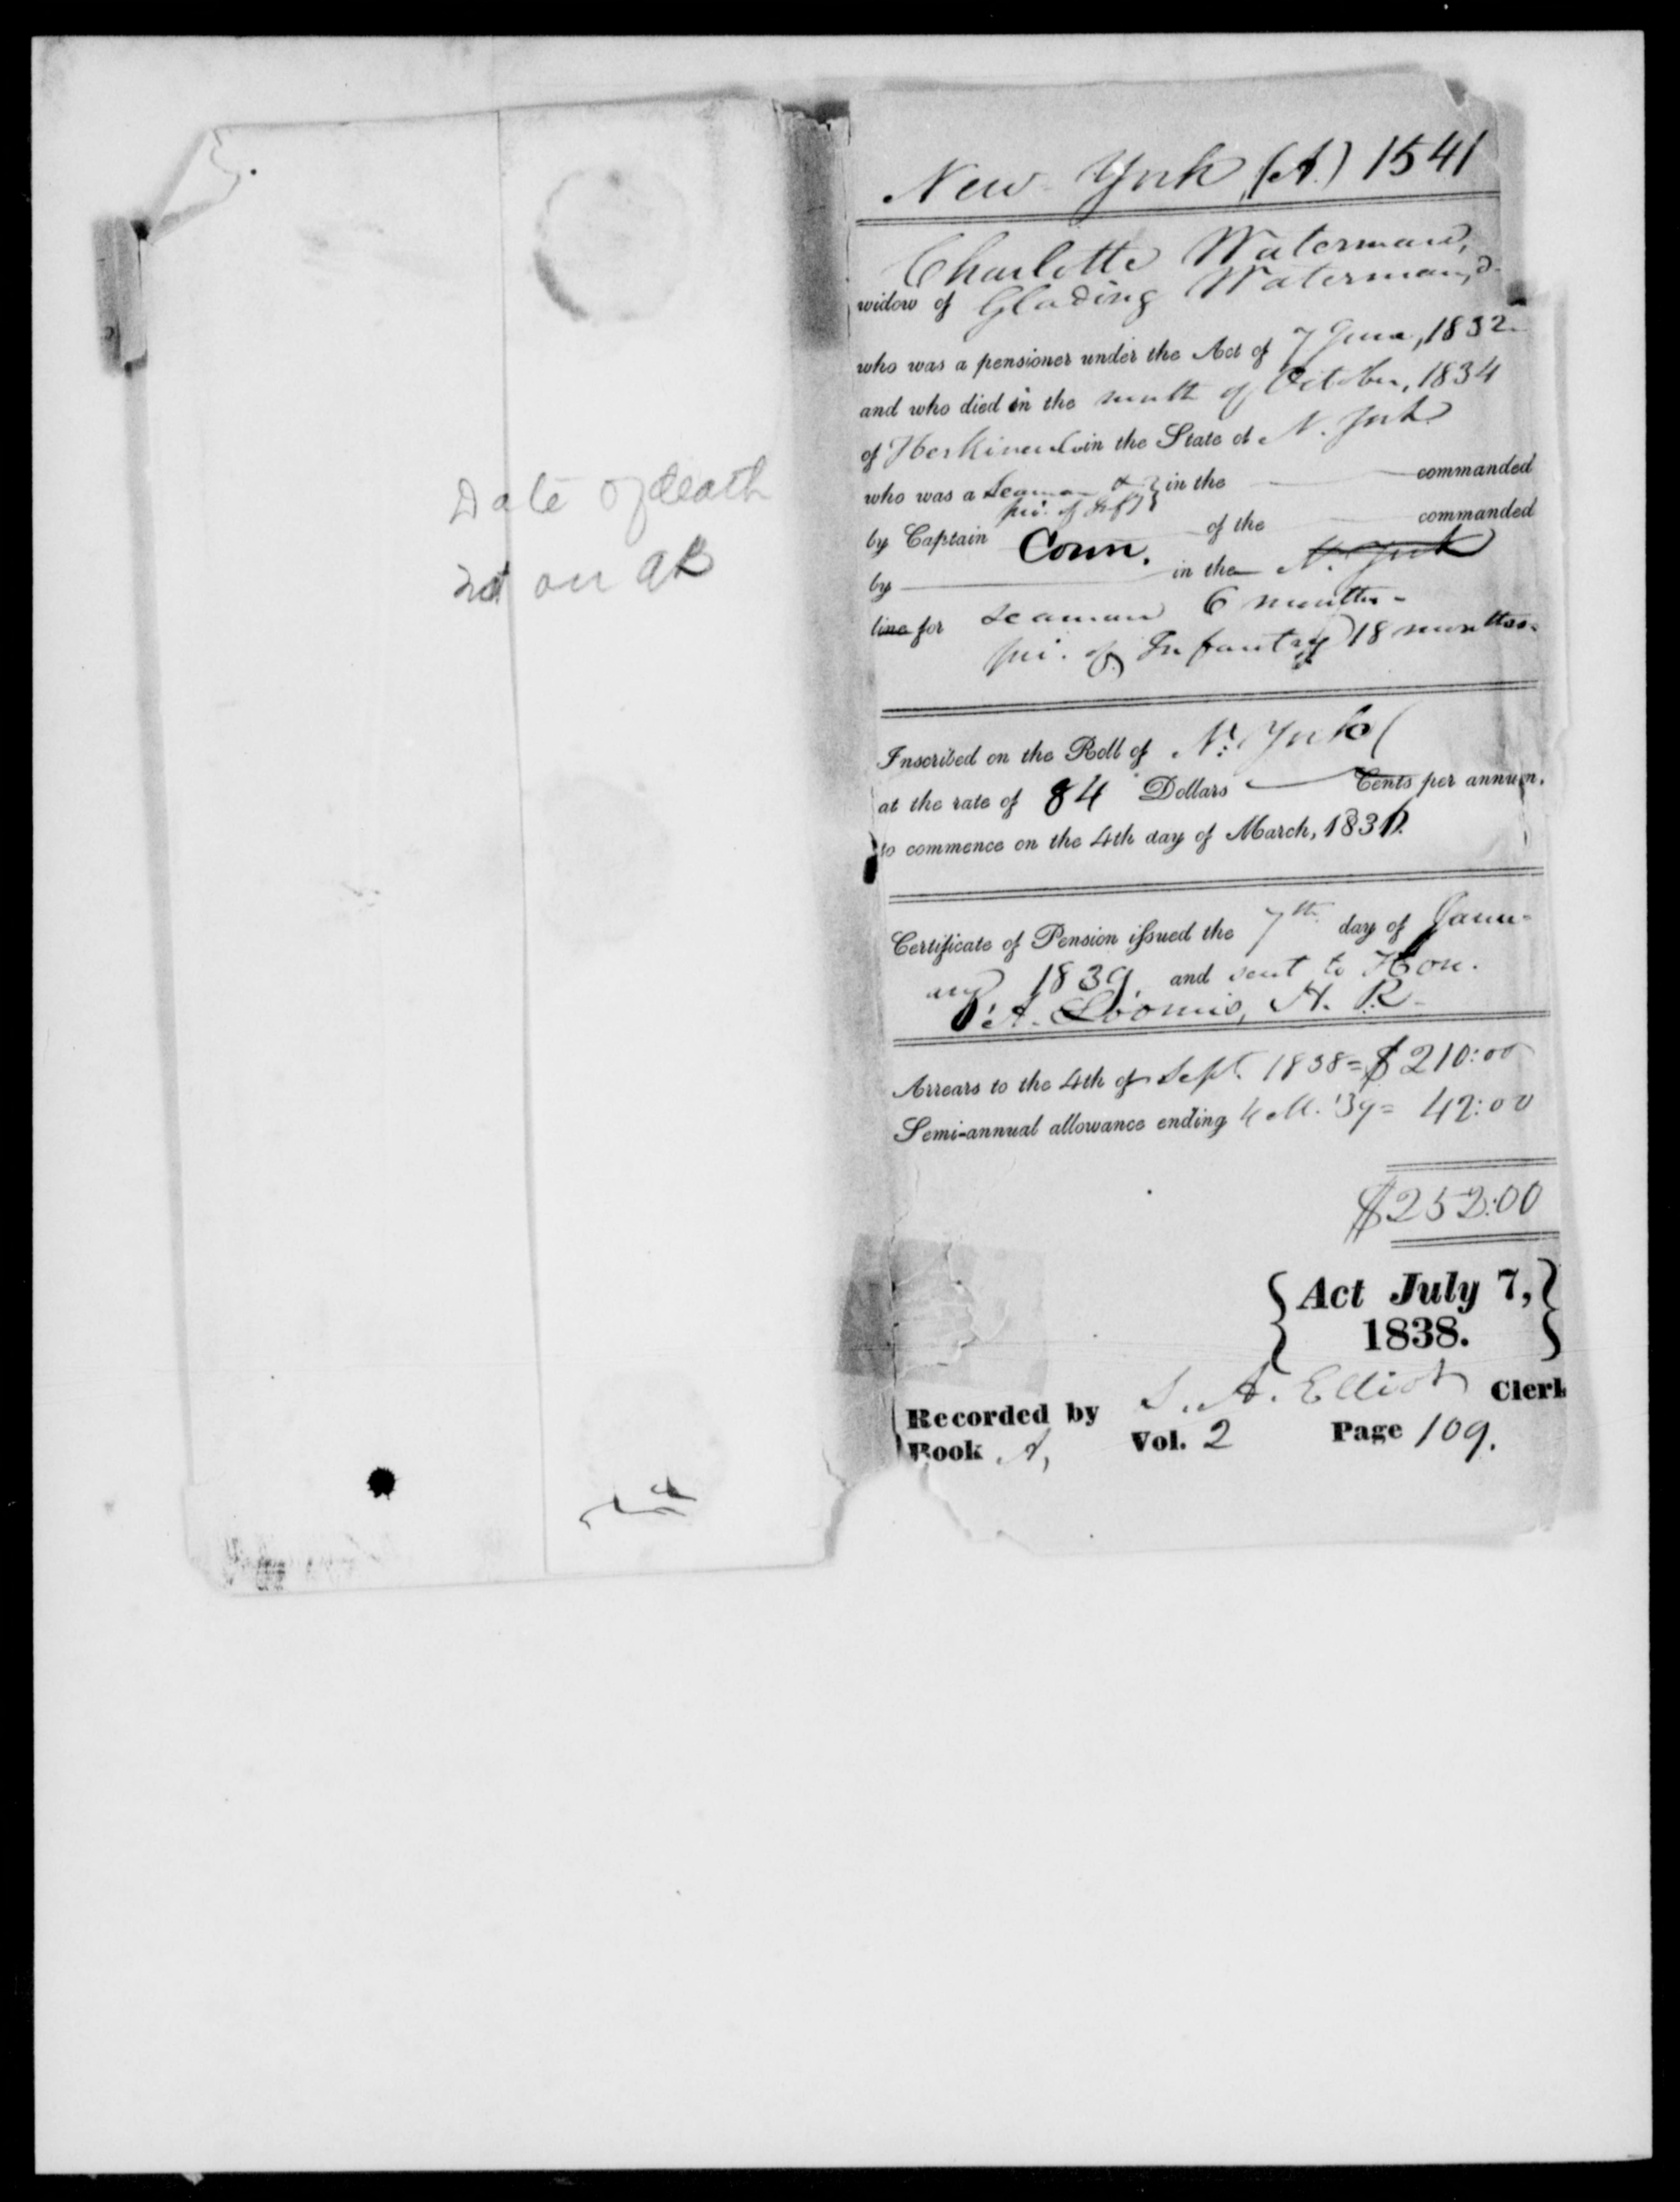New York (A) 1541
______________________________________
Charlotte Waterman, 
widow of Glading Waterman, d
who was a pensioner under the Act of 7 June, 1832 and who died in the Month of October, 1834 of Herkimer Co. in the State of N. York who was a Seaman & pvt of Inf in the _______________ commanded by Captain ______________  (Conn) of the ___________ Commanded by _______________ in the (N York this crossed out) line for Seaman 6 months, priv. of Infantry 18 months
_________________________________________________
Inscribed on the Roll of N. York at the rate of 
84 Dollars ________ Cents per annum, to commence on the 4th day of March, 183[ ].
_________________________________________________
Certificate of Pension issued the 7th day of January 183[ ], and sent to Hon. A. Loomis, H. R.
__________________________________________________
Arrears to the 4th of Sept 1838 = $210.00
Semi-annual allowance ending 
4 M. 39 =                                           42.00
                                                        ---------
                                                        $252.00 
{Act July 7,}
{1838.}

Recorded by S. A. Elliot  Clerk
Book A,       Vol. 2       Page 109 

(Left side Page)
Date of death 
not on AB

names: S A Elliot, A Loomis, Glading Waterman, Charlotte Waterman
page: 2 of 50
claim: widow's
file: W. 15814, Glading Waterman, Conn. Conn. Sea Service Continental